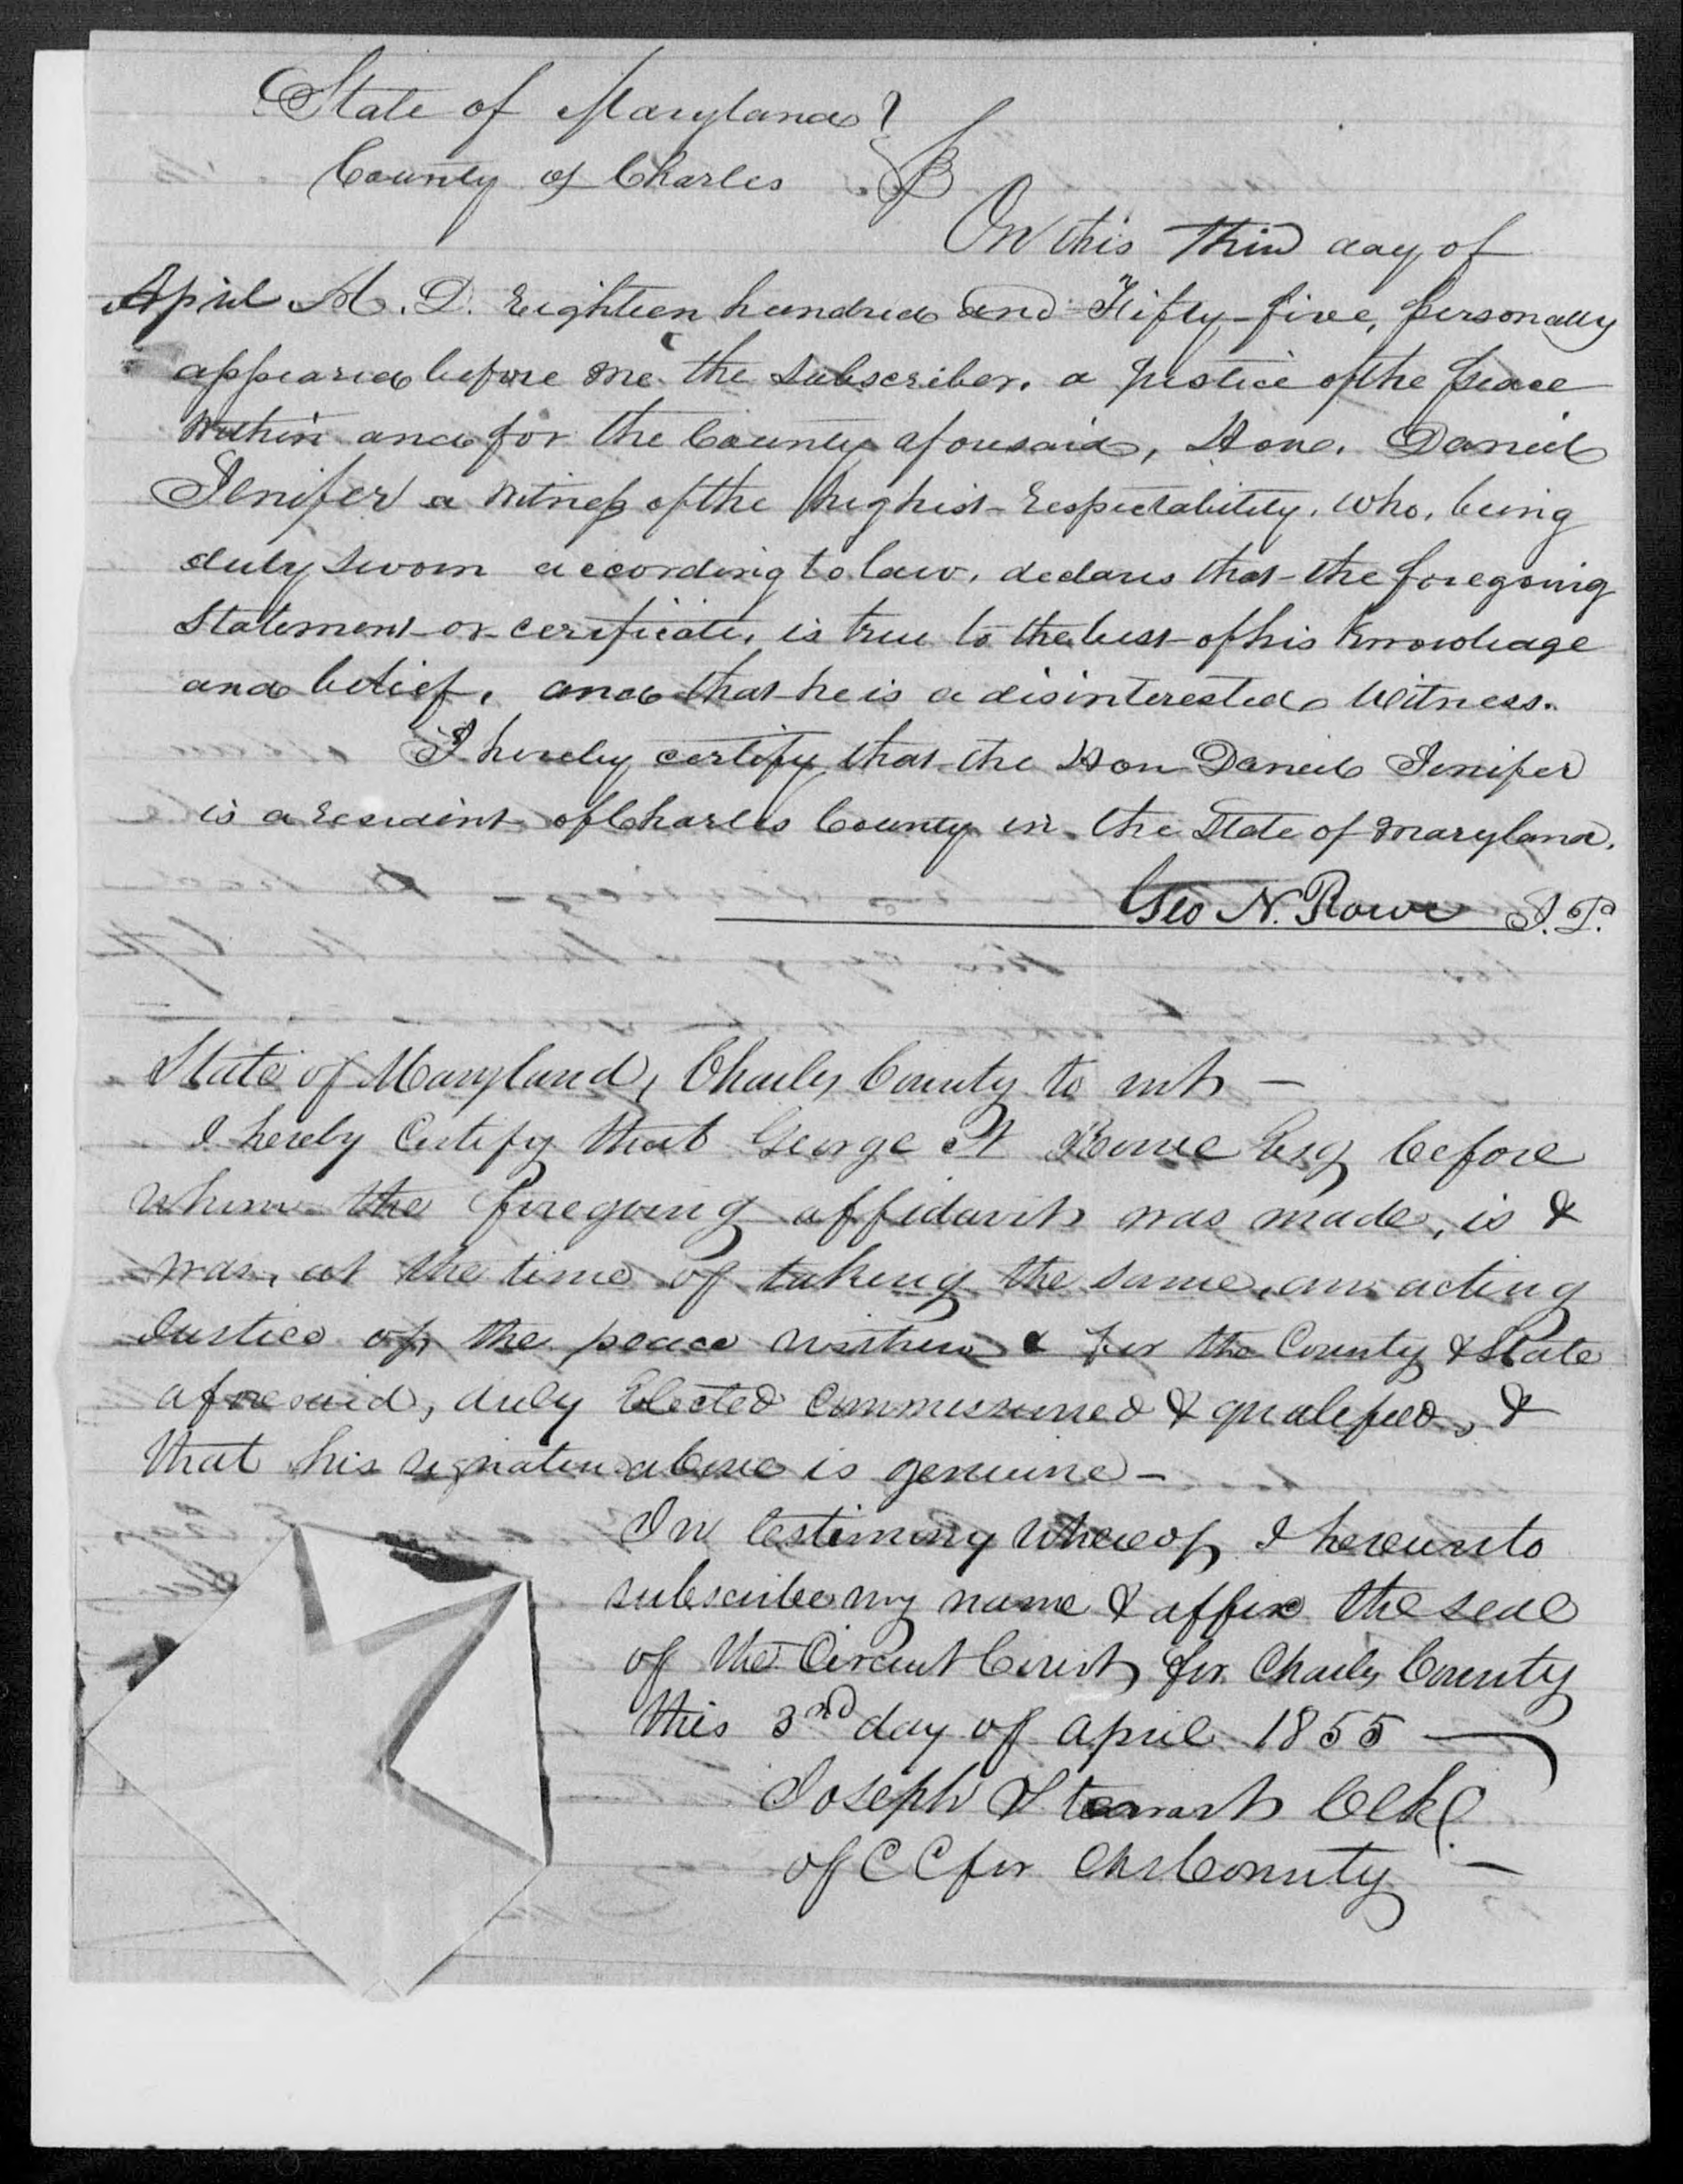State of Maryland 
County of Charles
On this day of April A.D. Eighteen hundred and fifty-five personally appeared before one the subscriber, a justice of the peace within and for the County aforesaid Hon. Daniel Jenifer a witness of the highest respectability, who, being duly sworn according to law declares that the forgoing statement or certificate is true to the best of his knowledge and belief. And that he is a disinterested witness.
I hereby certify that the Hon Daniel Jenifer is a Resident of Charles County in the State of Maryland.
[signature] Geo N Rowe J.P.

State of Maryland Charles County to wit
I hereby certify that George N, Rowe Esq before whom the foregoing affidavit was made is & was the time of taking the same enacting justice of the peace within & forthe County and State aforesaid duly elected commissioned & qualified & that his signature above is genuine.
In testimony whereof I hereunto subscribe my name and affix the seal of the Circuit Court for Charles County this 3rd day of April 1855.
[signature] Joseph Stewart Clk
of CC for Chs. County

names: Geo N Rowe, Joseph Stewart, Daniel Jenifer, Daniel Jenifer, George N Rowe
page: 21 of 22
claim: rejected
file: R 1709, Joshua Carnes, Va.